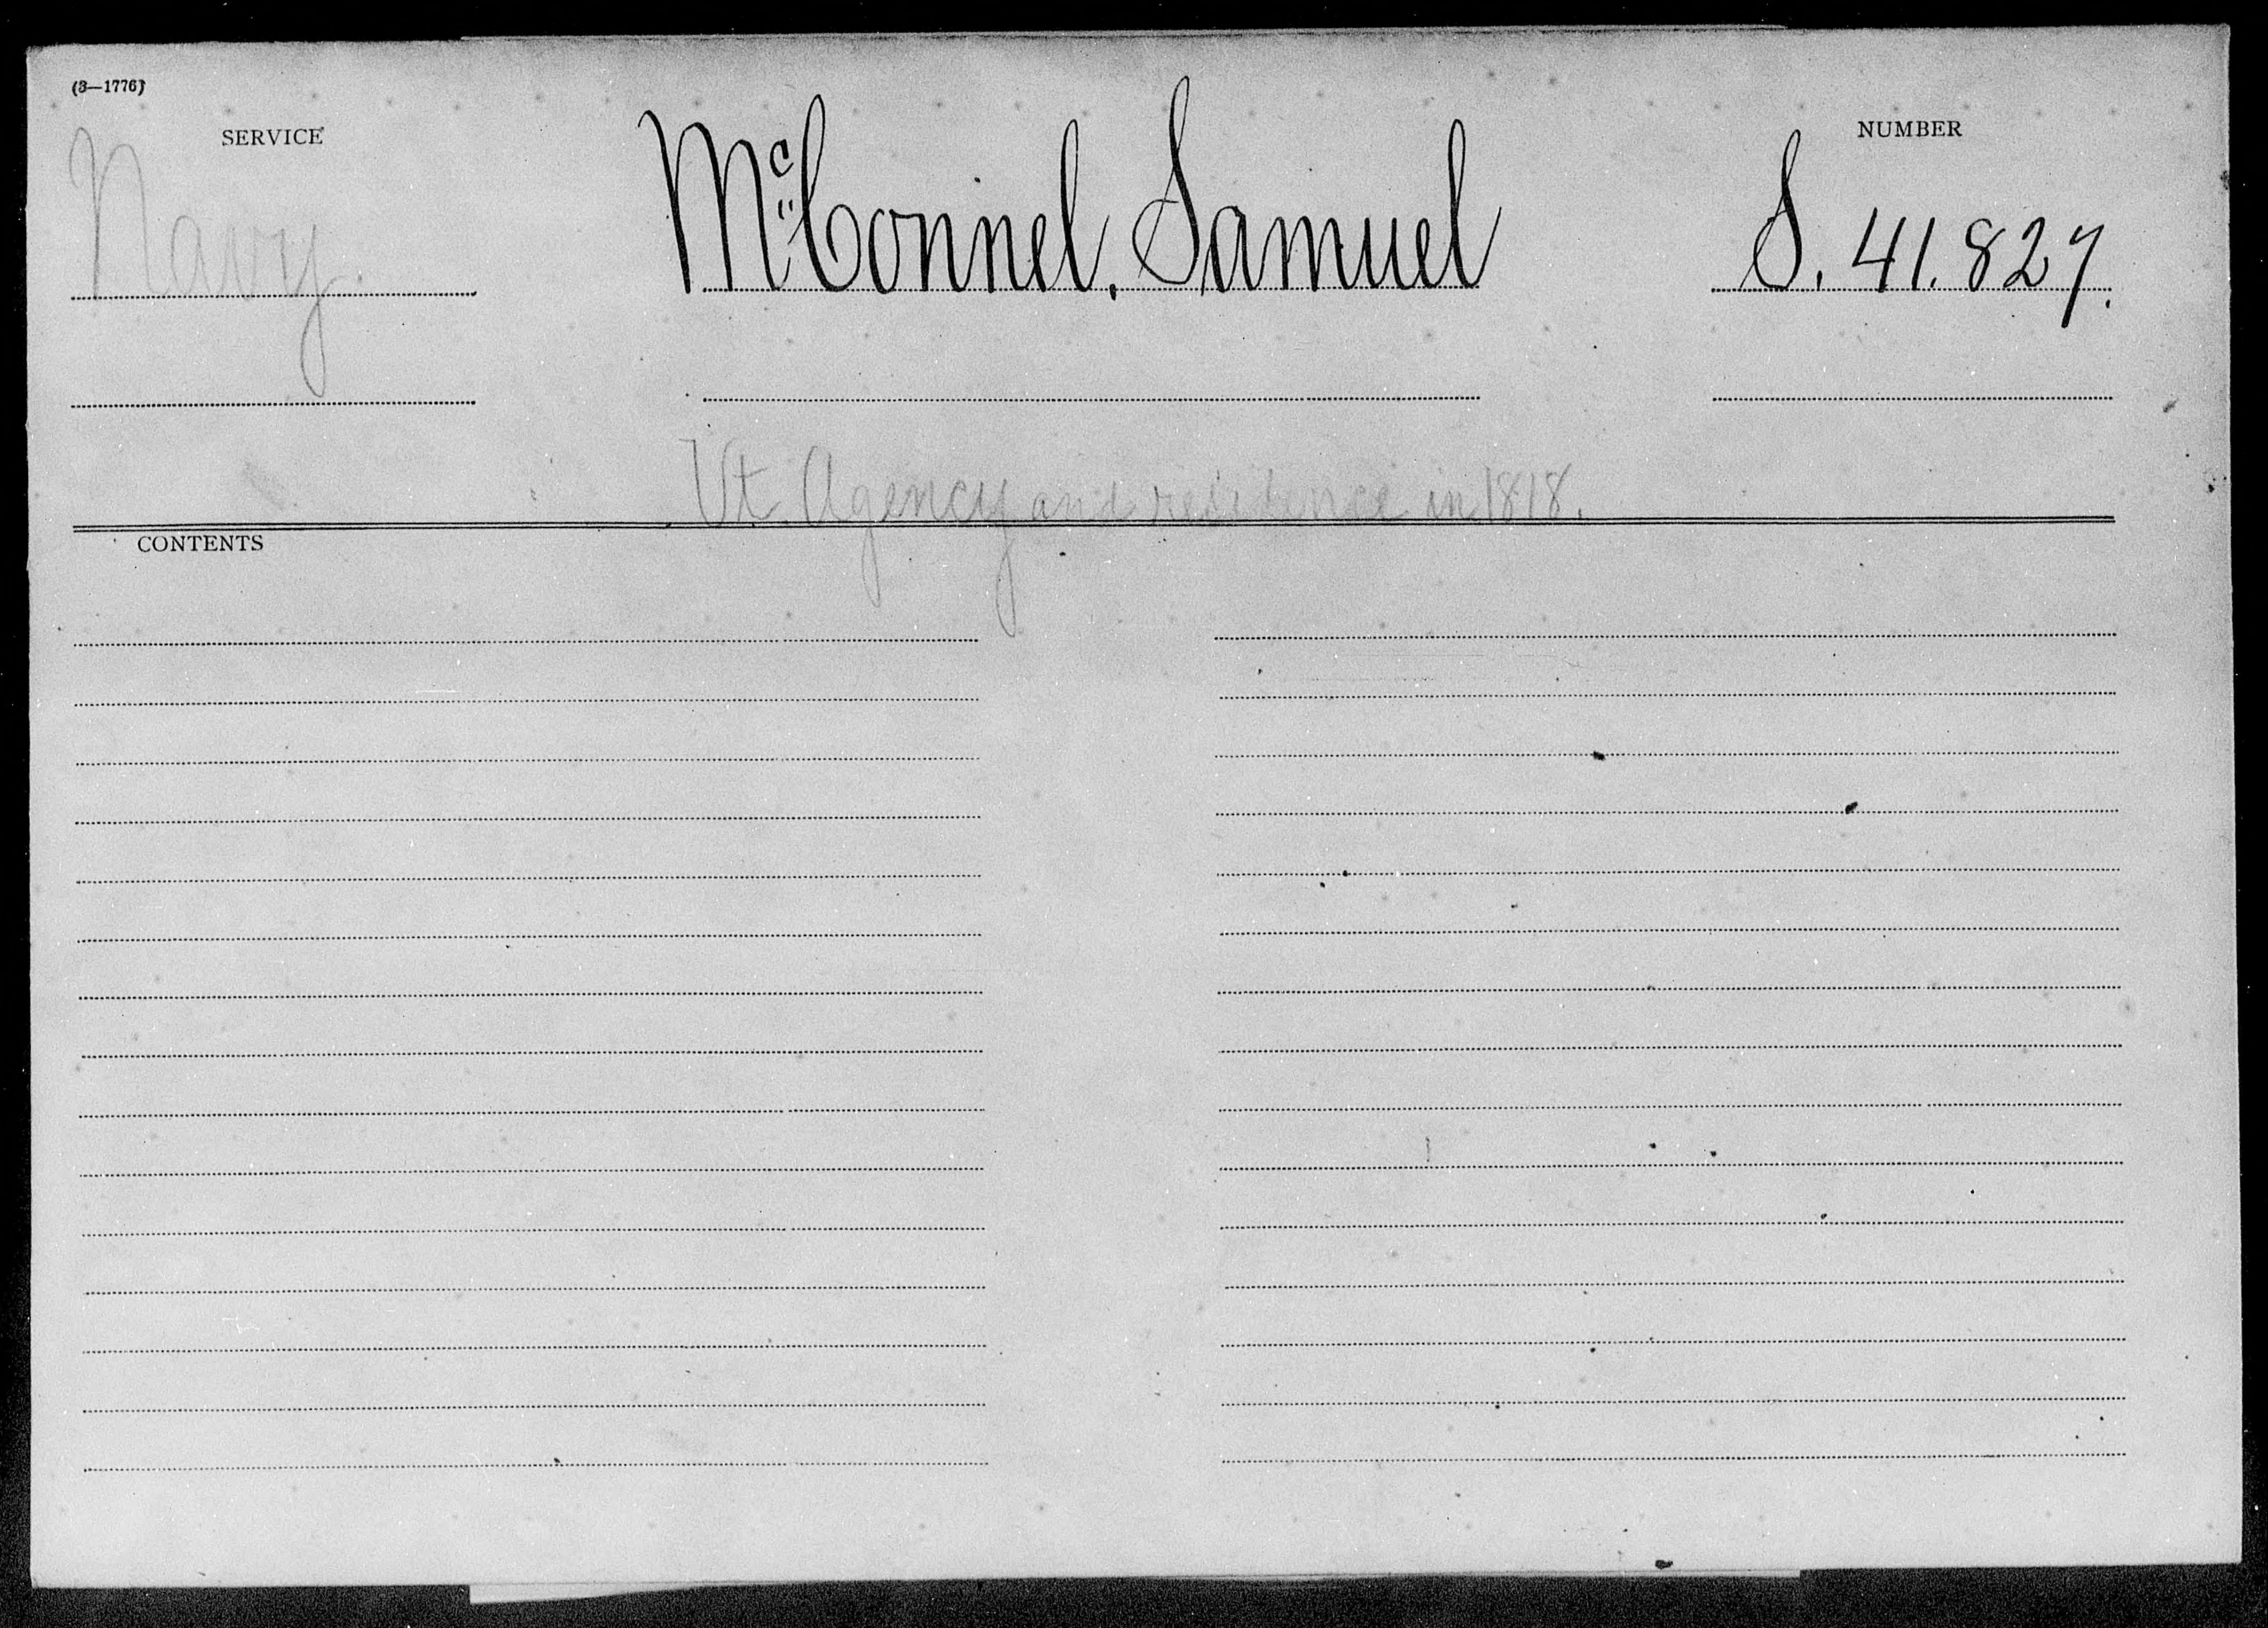Navy    McConmel, Samuel   S 41.827 
Vt Agency and residence in 1818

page: 1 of 18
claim: survivor's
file: S. 41,827, for Samuel Mc Connel, Vermont